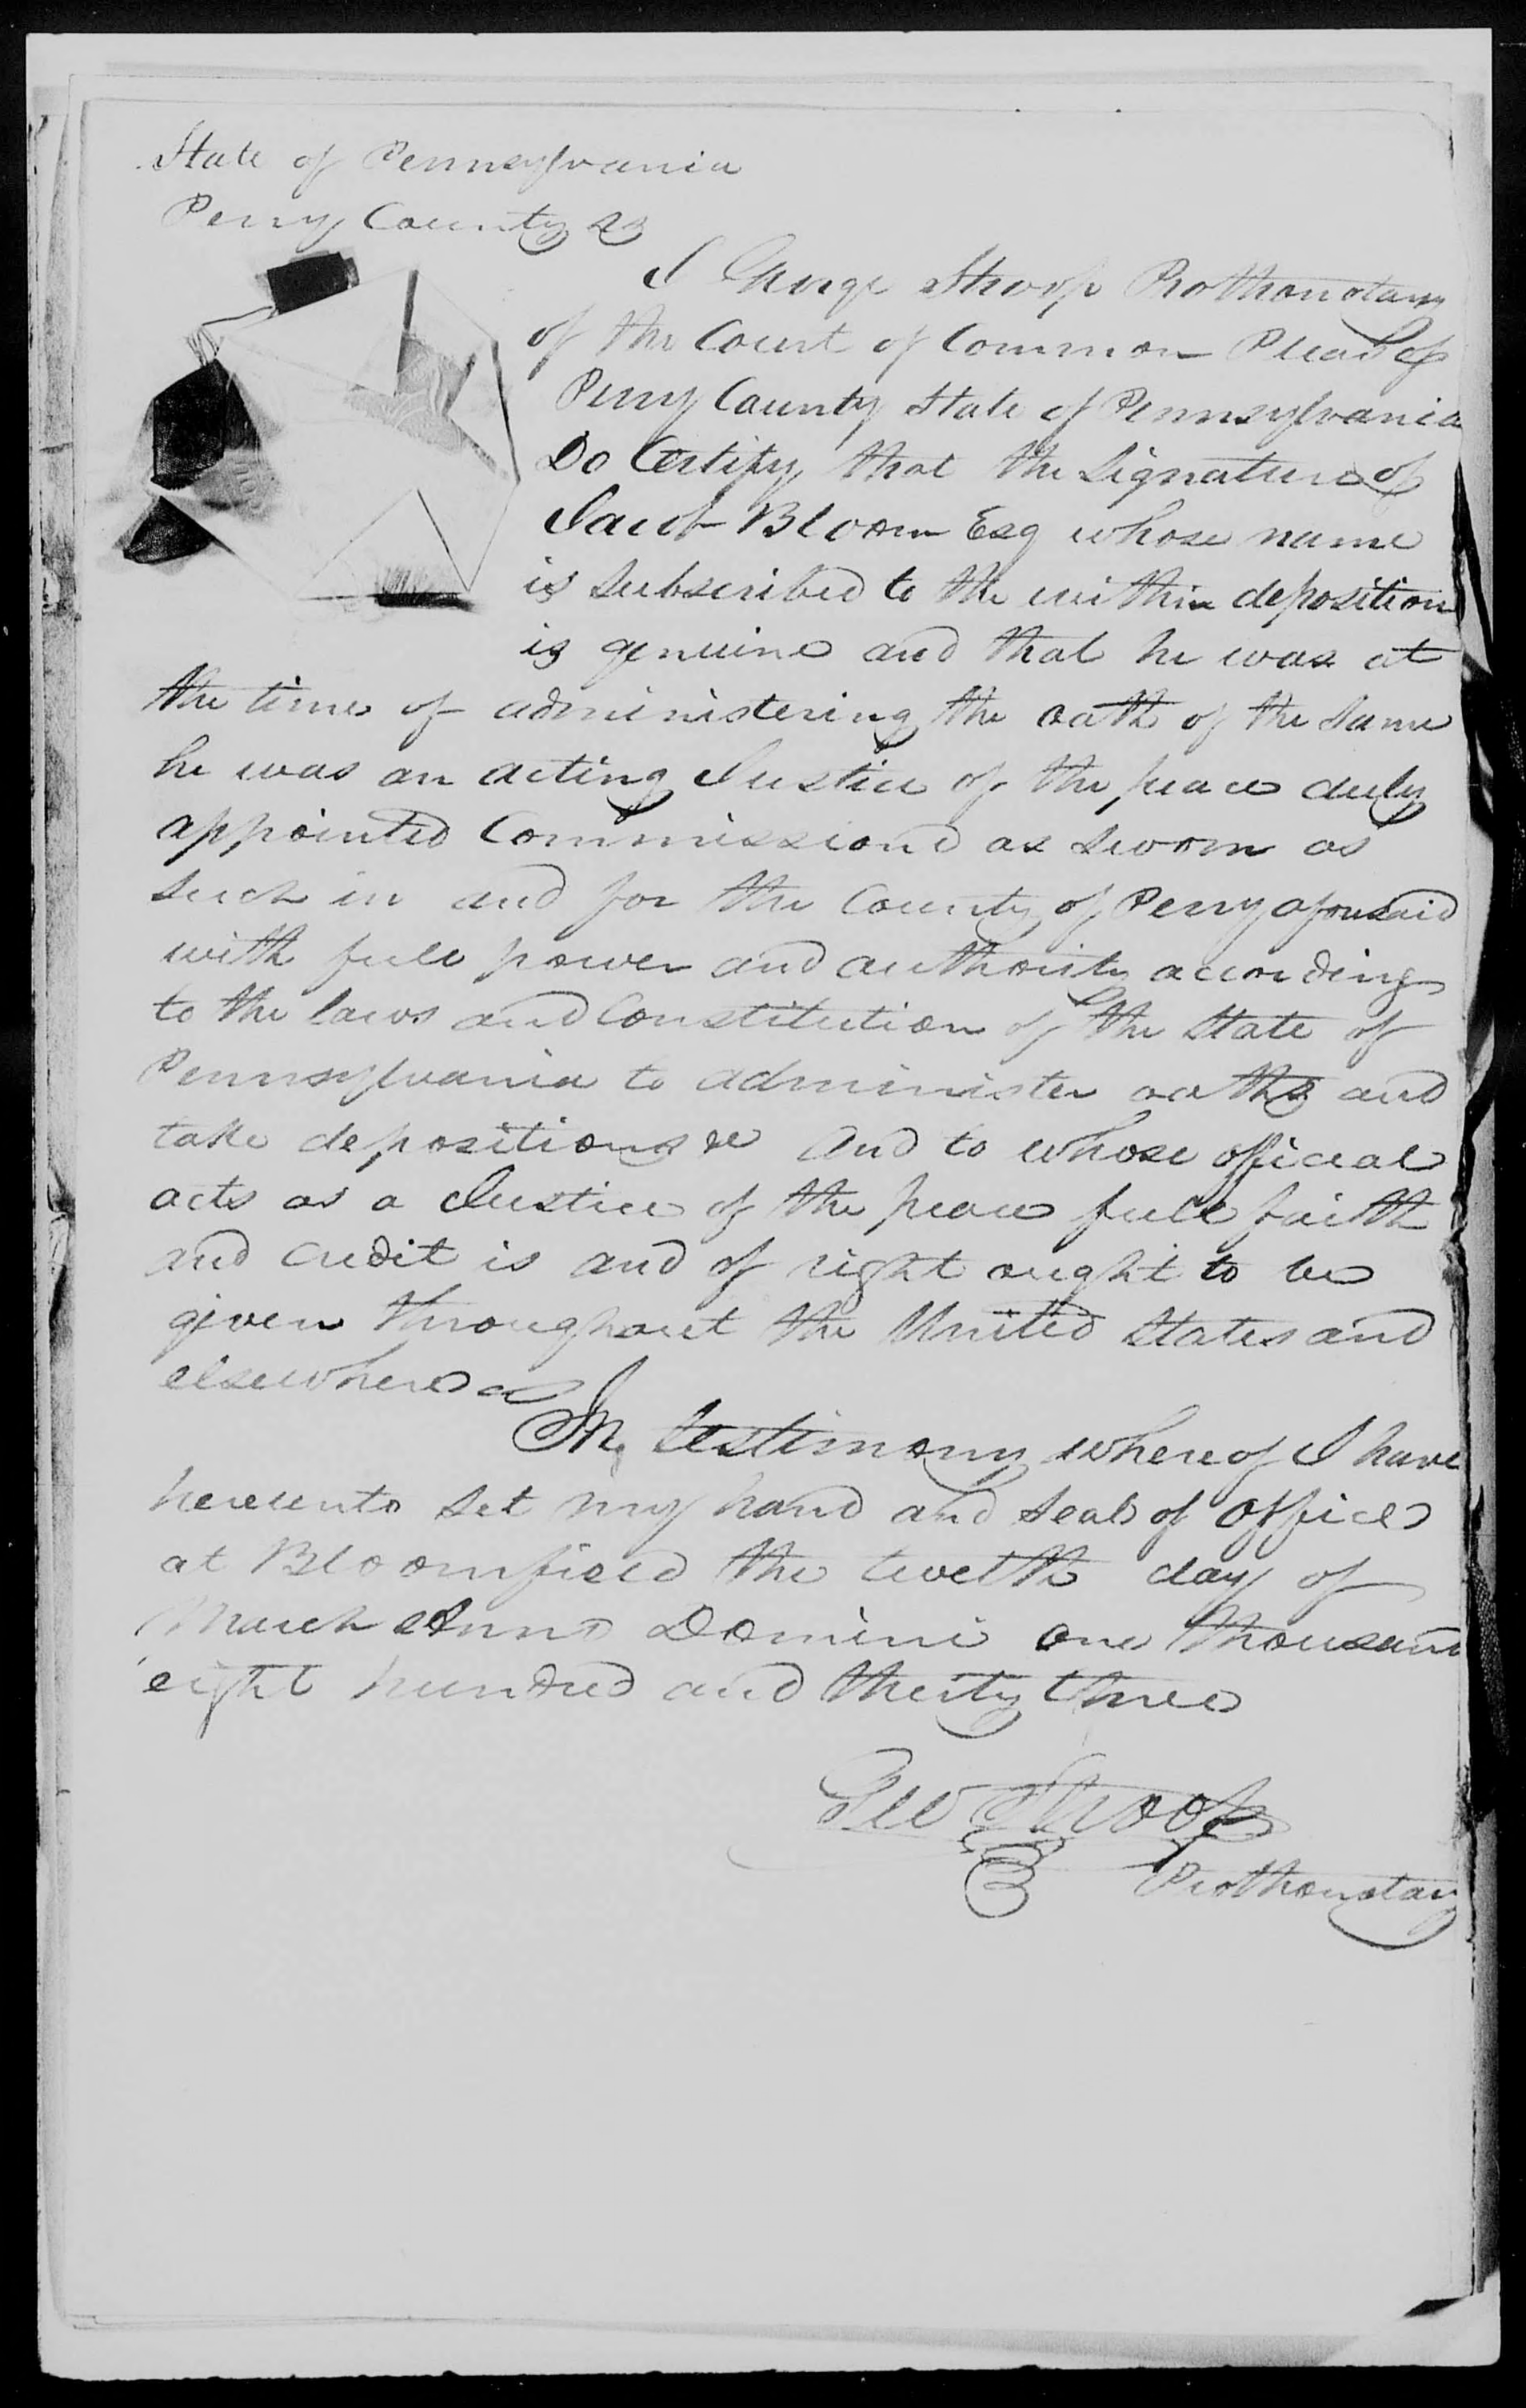State of Pennsylvania
Perry County [illegible]
I George Stroop Prothonotary of the Court of Common Pleas of Perry County State of Pennsylvania Do Certify that the Signature of Jacob Bloom Esq whose name is subscribed to the within deposition is genuine and that he was at the time of administering the oath of the same he was an acting Justice of the peace duly appointed commissioned as sworn as such in and for the County of Perry aforesaid with full power and authority according to the laws and constitution of the State of Pennsylvania to administer oath and take depositions  And to whose official acts as a Justice of the peace full faith and credit is and of right ought to be given throughout the United States and elsewhere.
In testimony where of I have hereunto set my hand and seal of office at Bloomfield the twelfth day of March Anno Domini one thousand eight hundred and thirty three
G W Stroop
Prothonotary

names: George Stroop, Geo Stroop, Anno Domini, Jacob Bloom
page: 10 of 30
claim: widow's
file: W. 3211, George Black, Penn.